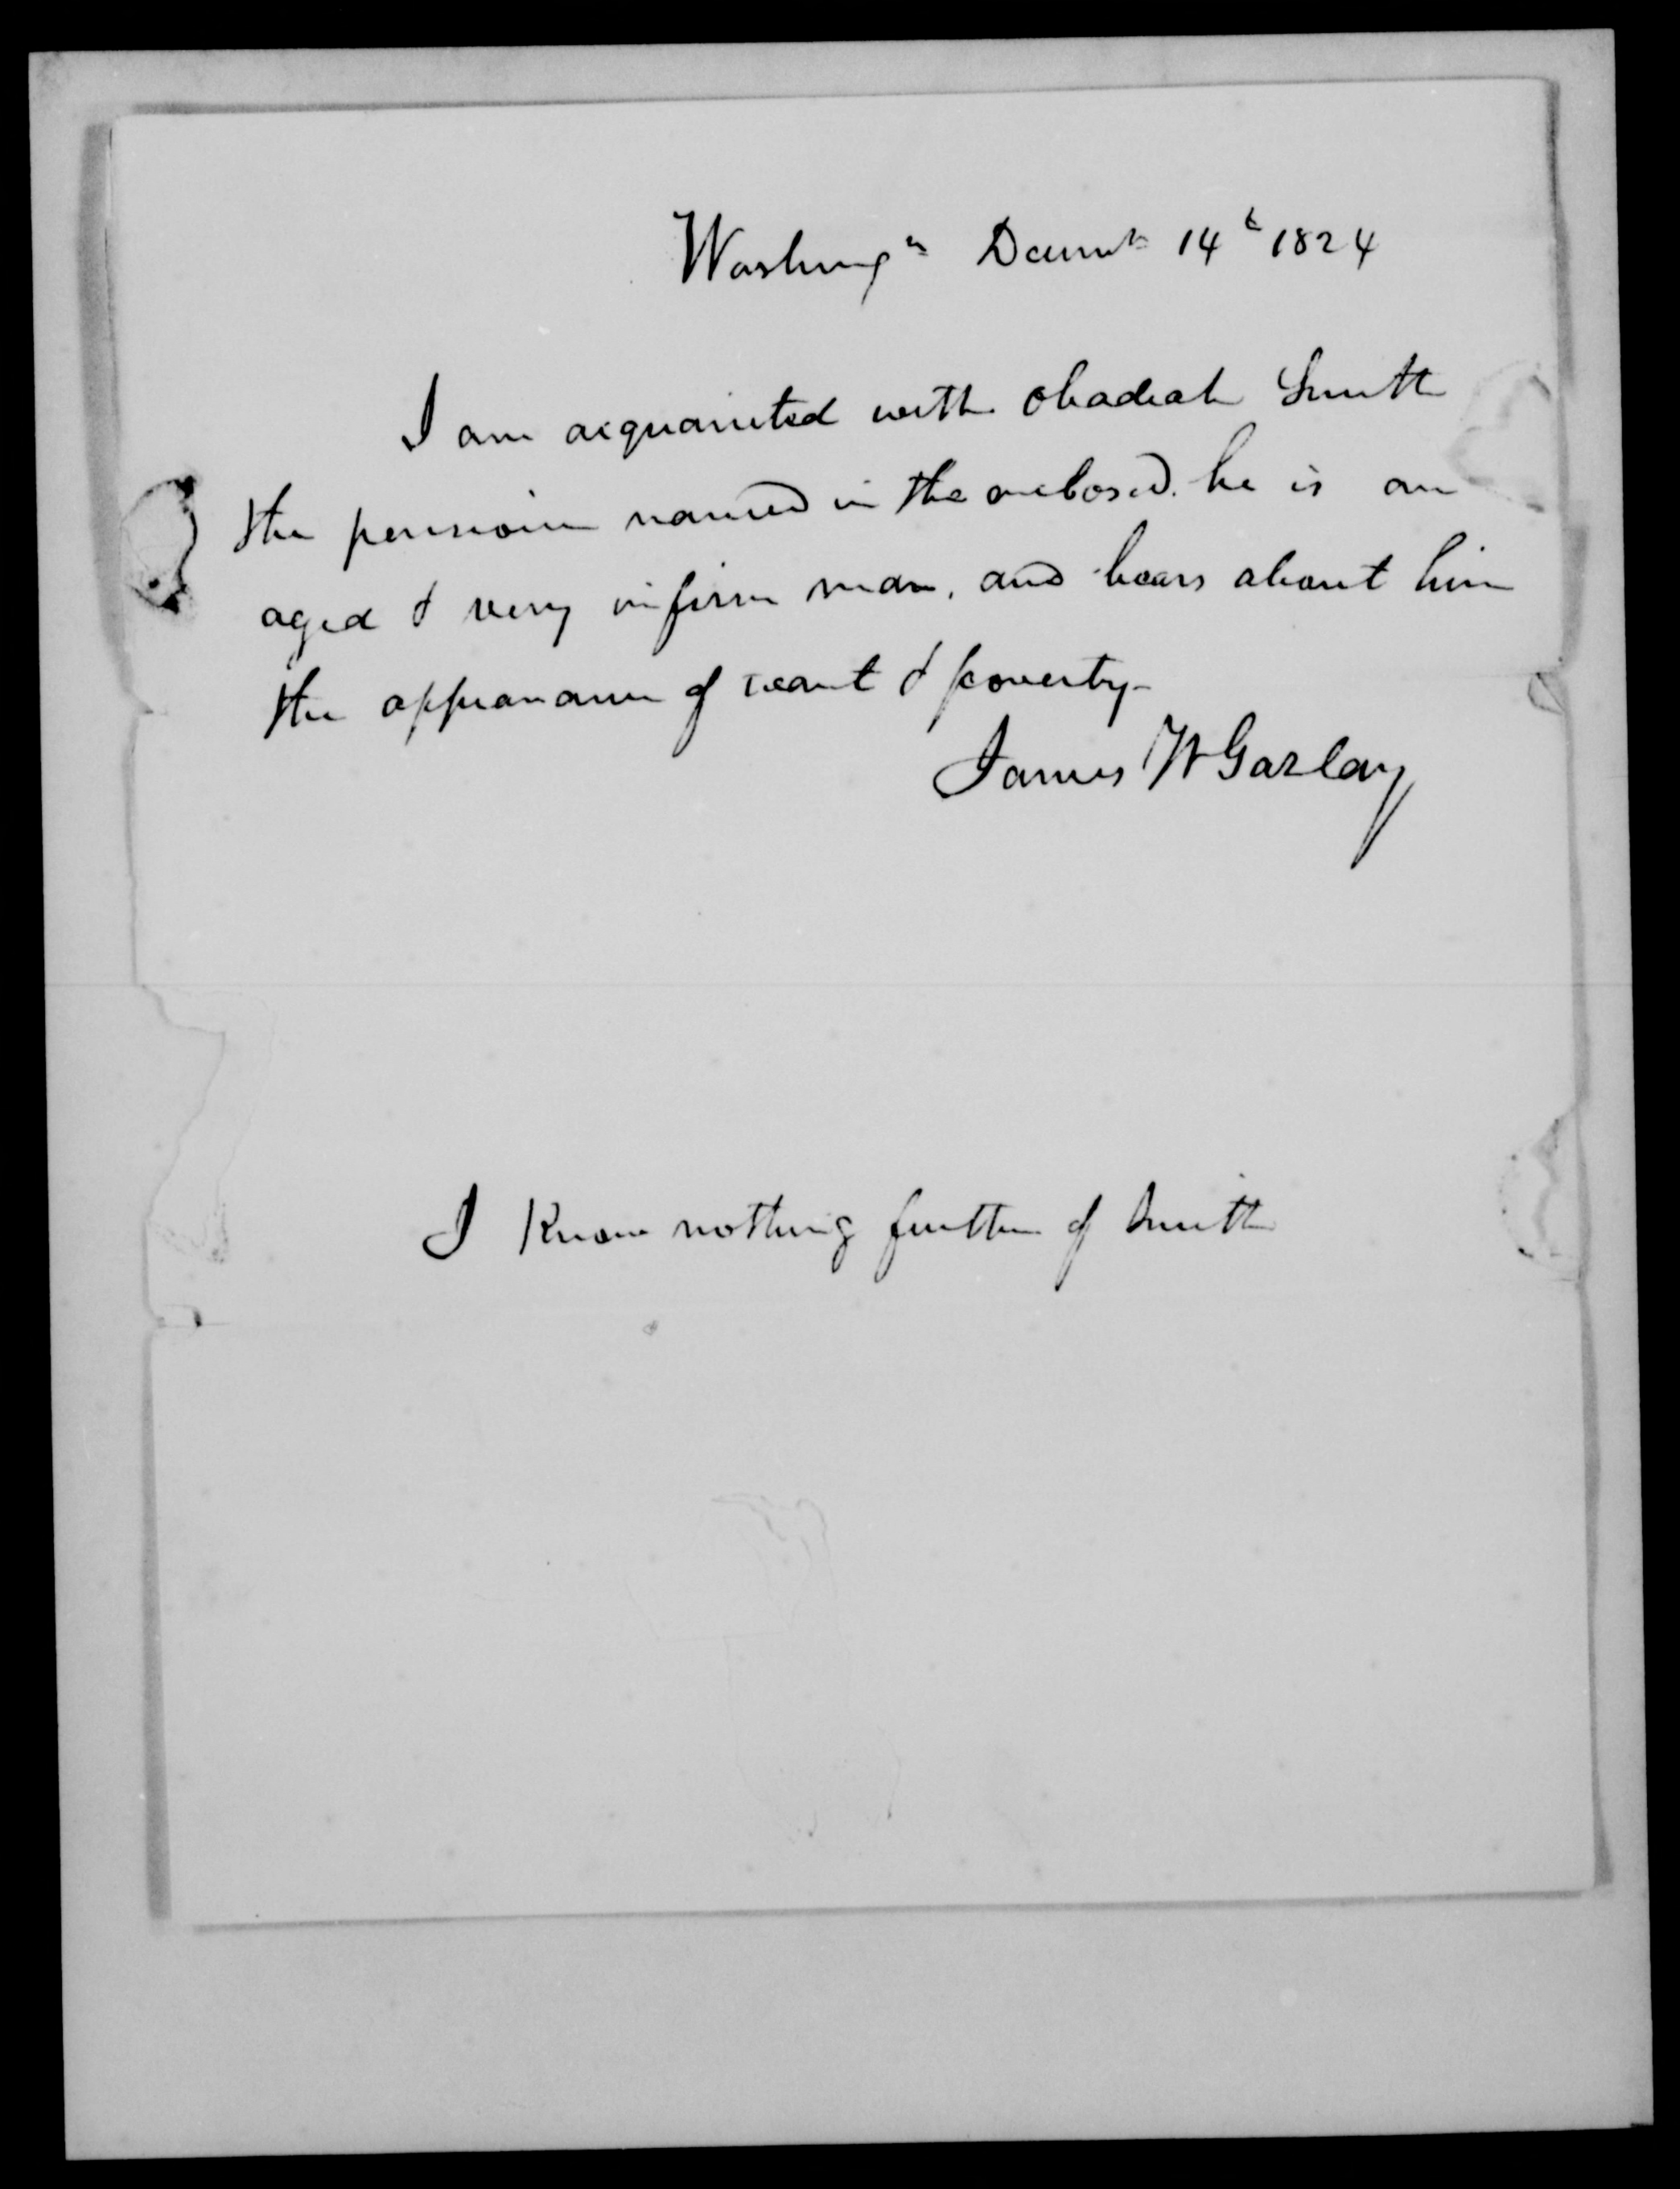Washing. Decemb 14th 1824 
I am acquainted with Obadiah Smith the pensioner named in the enclosed he is an aged & very infirm man and bears about him the appearance of want & poverty. [signature:] James W Gazley
I Know nothing further of Smith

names: [BLANK] Smith; Obadiah Smith; James W Gazlay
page: 32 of 66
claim: survivor's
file: S 40458, for Obadiah Smith, New York